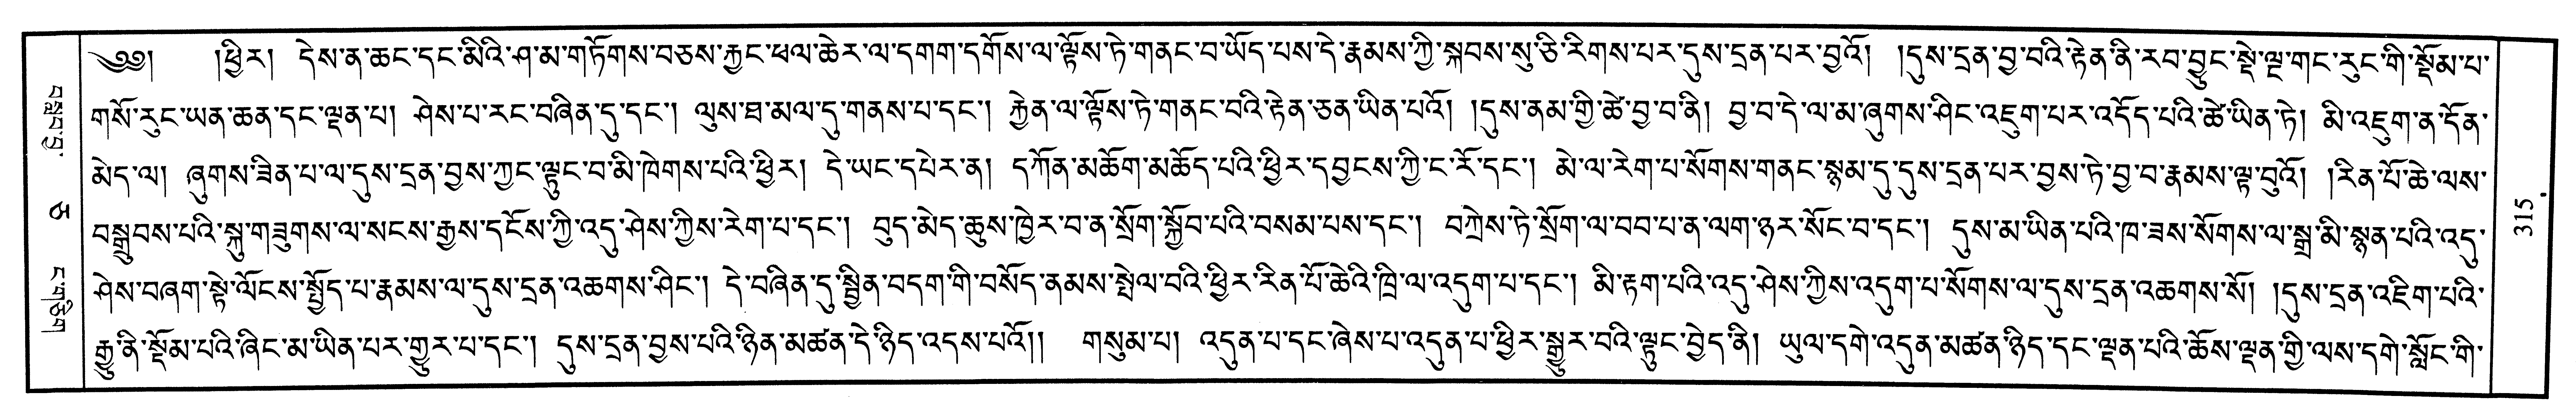༄༅། །ཕྱིར། དེས་ན་ཆང་དང་མིའི་ཤ་མ་གཏོགས་བཅས་རྐྱང་ཕལ་ཆེར་ལ་དགག་དགོས་ལ་ལྟོས་ཏེ་གནང་བ་ཡོད་པས་དེ་རྣམས་ཀྱི་སྐབས་སུ་ཅི་རིགས་པར་དུས་དྲན་པར་བྱའོ། །དུས་དྲན་བྱ་བའི་རྟེན་ནི་རབ་བྱུང་སྡེ་ལྔ་གང་རུང་གི་སྡོམ་པ་
གསོ་རུང་ཡན་ཆན་དང་ལྡན་པ། ཤེས་པ་རང་བཞིན་དུ་དང་། ལུས་ཐ་མལ་དུ་གནས་པ་དང་། རྐྱེན་ལ་ལྟོས་ཏེ་གནང་བའི་རྟེན་ཅན་ཡིན་པའོ། །དུས་ནམ་གྱི་ཚེ་བྱ་བ་ནི། བྱ་བ་དེ་ལ་མ་ཞུགས་ཤིང་འཇུག་པར་འདོད་པའི་ཚེ་ཡིན་ཏེ། མི་འཇུག་ན་དོན་
མེད་ལ། ཞུགས་ཟིན་པ་ལ་དུས་དྲན་བྱས་ཀྱང་ལྟུང་བ་མི་ཁེགས་པའི་ཕྱིར། དེ་ཡང་དཔེར་ན། དཀོན་མཆོག་མཆོད་པའི་ཕྱིར་དབྱངས་ཀྱི་ང་རོ་དང་། མེ་ལ་རེག་པ་སོགས་གནང་སྙམ་དུ་དུས་དྲན་པར་བྱས་ཏེ་བྱ་བ་རྣམས་ལྟ་བུའོ། །རིན་པོ་ཆེ་ལས་
བསྒྲུབས་པའི་སྐུ་གཟུགས་ལ་སངས་རྒྱས་དངོས་ཀྱི་འདུ་ཤེས་ཀྱིས་རེག་པ་དང་། བུད་མེད་ཆུས་ཁྱེར་བ་ན་སྲོག་སྐྱོབ་པའི་བསམ་པས་དང་། བཀྲེས་ཏེ་སྲོག་ལ་བབ་པ་ན་ལག་ཉར་སོང་བ་དང་། དུས་མ་ཡིན་པའི་ཁ་ཟས་སོགས་ལ་སྒྲ་མི་སྙན་པའི་འདུ་
ཤེས་བཞག་སྟེ་ལོངས་སྤྱོད་པ་རྣམས་ལ་དུས་དྲན་འཆགས་ཤིང་། དེ་བཞིན་དུ་སྦྱིན་བདག་གི་བསོད་ནམས་སྤེལ་བའི་ཕྱིར་རིན་པོ་ཆེའི་ཁྲི་ལ་འདུག་པ་དང་། མི་རྟག་པའི་འདུ་ཤེས་ཀྱིས་འདུག་པ་སོགས་ལ་དུས་དྲན་འཆགས་སོ། །དུས་དྲན་འཇིག་པའི་
རྒྱུ་ནི་སྡོམ་པའི་ཞིང་མ་ཡིན་པར་གྱུར་པ་དང་། དུས་དྲན་བྱས་པའི་ཉིན་མཚན་དེ་ཉིད་འདས་པའོ།། གསུམ་པ། འདུན་པ་དང་ཞེས་པ་འདུན་པ་ཕྱིར་སྒྱུར་བའི་ལྟུང་བྱེད་ནི། ཡུལ་དགེ་འདུན་མཚན་ཉིད་དང་ལྡན་པའི་ཆོས་ལྡན་གྱི་ལས་དགེ་སློང་གི་